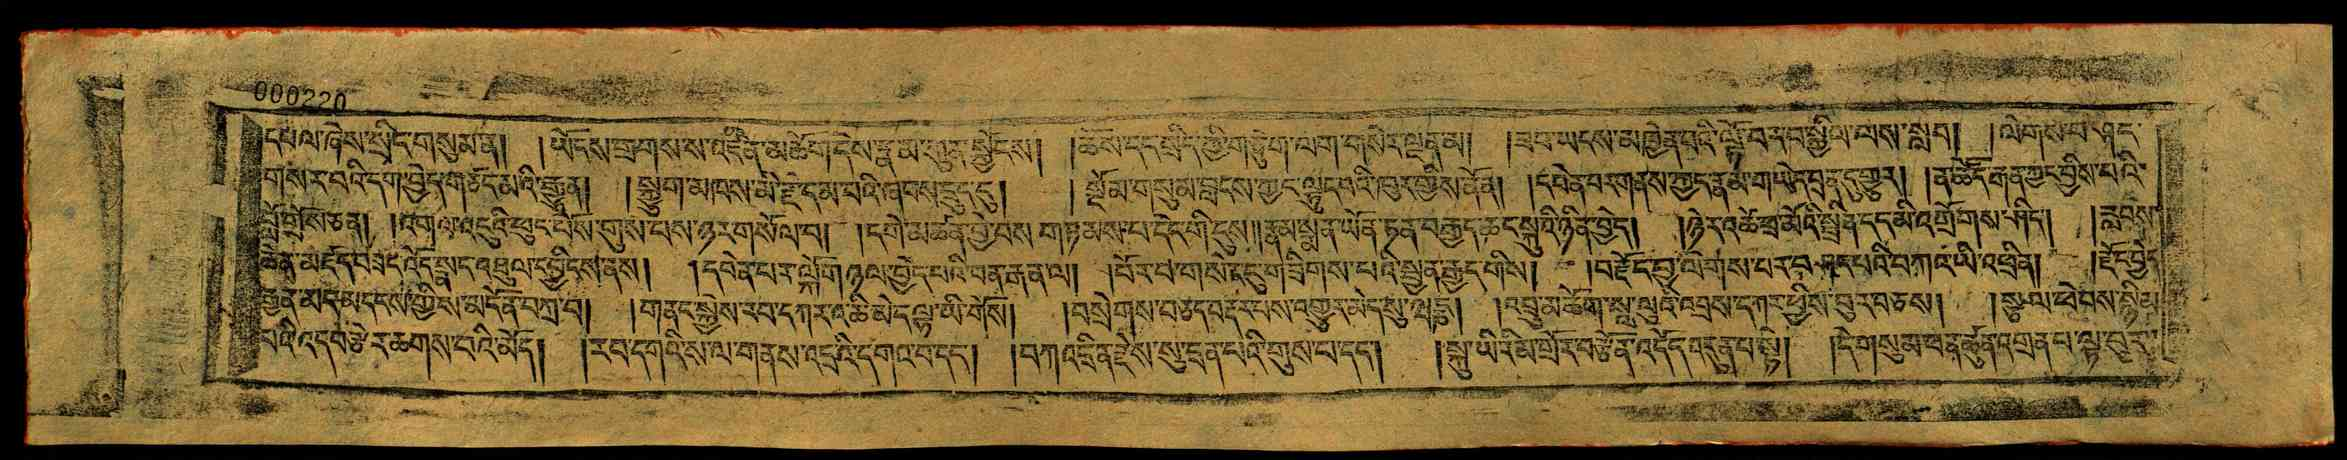དཔལ་ཞེས་སྲིད་གསུམ་ན། །ཡོངས་གྲགས་ས་འཛིན་མཆོག་དེས་རྣམ་ཀུན་སྐྱོངས། །ཆོས་དང་སྲིད་ཀྱི་གཙུག་ལག་གསེར་ལྡན་མ། །ཟབ་ཡངས་མཁྱེན་པའི་ལྟོ་བར་བསྐྱིལ་ལས་སླར། །ལེགས་བཤད་
Fགསར་པའི་དག་བྱེད་གཙང་མའི་རྒྱུན། །སྐྱུག་མཁས་མི་རྗེ་དམ་པའི་ཞབས་དྲུང་དུ། །སྡོམ་གསུམ་བླངས་ཀྱང་ལྟུང་བའི་ཁུར་གྱིས་ནོན། །དབེན་པར་གནས་ཀྱང་རྣམ་གཡེང་བྲན་དུ་གྱུར། །ན་ཚོད་རྒན་ཀྱང་བྱིས་པའི་
བློ་གྲོས་ཅན། །འགལ་འདུའི་ཕུང་པོས་གུས་པས་ཉེར་གསོལ་བ། །དགེ་མཚན་བྱེ་བས་གཏམས་པ་ངང་གི་དུས། །རྣམ་སྨིན་ཡོན་ཏན་བརྒྱད་ཆང་སྐུའི་ཉིན་བྱེད། །ཉེར་འཚེ་ཕྲ་མོའི་སྤྲིན་དང་མི་འགྲོགས་ཤིང་། །རླབས་
ཆེན་མཛད་བཟང་འོད་སྣང་འཐུལ་དབྱིངས་ནས། །དབེན་པར་ལྐོག་ཉལ་བྱེད་པའི་བན་རྒན་ལ། །བོང་བ་གསེར་དུ་གཟིགས་པའི་སྤྱན་རྒྱང་གིས། །བརྗོད་བྱ་ལེགས་པར་བཤད་པའི་བཀའ་ཡི་འཕྲིན། །རྗོད་བྱེད་
རྒྱན་མང་མདངས་ཀྱིས་མངོན་བཀྲ་བ། །གནང་སྐྱེས་རབ་དཀར་འཆི་མེད་ལྷ་ཡི་གོས། །བསྲེགས་བཅད་བརྡར་བས་འགྱུར་ཆེད་སུ་ཝརྞ། །འབྲུ་མཆོག་སཱ་ལུའི་འབྲས་དཀར་ཕྱིས་བུར་བཅས། །སྩལ་ཕེབས་སྙིམ་
པའི་འདབ་རྩེར་ཆགས་པའི་མོད། །རབ་དགའི་ས་ལ་གནས་འདྲའི་དགའ་བ་དང་། །བཀའ་དྲིན་རྗེས་སུ་དྲན་པའི་གུས་པ་དང་། །སྐུ་ཡི་རིམ་གྲོར་བརྩོན་འདོད་འདུན་པ་སྟེ། །དེ་གསུམ་ཕན་ཚུན་འགྲན་པ་ལྟ་བུར་